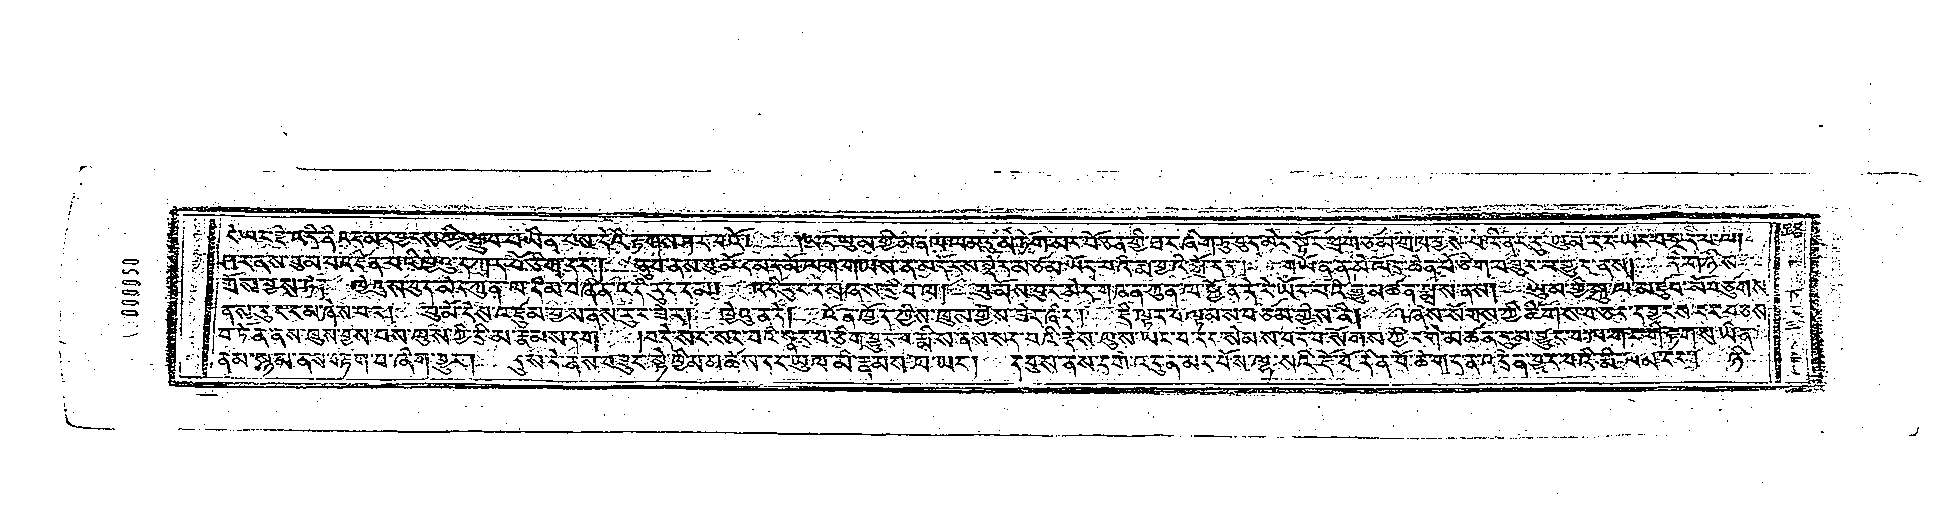དེ་ཡང་རྗེ་འདི་ནི་འཇམ་དབྱངས་ཀྱི་སྤྲུལ་པ་ཡིན་པས་དེའི་རྟགས་ཤར་བའོ། །ཡང་ཡུམ་གྱི་མནལ་ལམ་དུ་མེ་ཏོག་མང་པོ་ཅན་ཀྱི་ཐང་ཞིག་ཏུ་བུད་མེད་སྟོང་ཕྲག་ཙམ་གྲལ་བྱས་པའི་ནང་དུ་ཡུམ་རང་ཡང་བསྡད་པ་ལ།
ཤར་ནས་བུམ་པ་འཛིན་པའི་ཁྱེའུ་དཀར་པོ་ཅིག་དང་། ནུབ་ནས་བུ་མོ་དམར་མོ་ལག་གཡས་ན་མདོངས་སྡེར་མ་ཙམ་ཡོད་པའི་རྨ་བྱའི་སྒྲོ་དང་། གཡོན་ན་མེ་ལོང་ཆེན་བོ་ཅིག་བཟུང་བ་བྱུང་ནས། དེ་གཉིས་
ཀྲོས་བྱས་ཏེ༑ ཁྱེའུ་ས་བུད་མེད་ཀུན་ལ་རིམ་བཞིན་འདི་རུང་ངམ། འདི་རུང་དམ་ཞས་དྲི་བ་ལ། བུ་མོས་བུང་མེད་གཞན་ཀུན་ལ་སྐྱོན་རེ་རེ་ཡོད་པའི་རྒྱུ་མཚན་སྨྲས་ནས། ཡུམ་གྱི་སྐུ་ལ་མཛུབ་མོ་བཙུགས་
ནས་རུང་ངམ་ཞེས་པར། བུ་མོ་དེས་འཛུམ་བྱས་ནས་རུང་ཟེར། ཁྱེའུ་ན་དེ། འོ་ན་ཁྱོད་ཀྱིས་ཁྲུས་གྱིས་ཟེར་ཞིང་། ཇི་ལྟར་བལྟམས་པ་ཙམ་གྱིས་ནི། །ཞེས་སོགས་ཀྱི་ཚིགས་བཅད་དབྱུངས་དང་བཅས་
བཏོན་ནས་ཁྲུས་བྱས་བས་ལུས་ཀྱི་དྲི་མ་རྣམས་དག །བདེ་སང་སང་བའི་སྣང་བ་ཅིག་བྱུང་བ་རྨིས་ནས་སད་པའི་རྗེས་ལུས་ཡང་བ་དང་སེམས་བདེ་བ་སོགས་ཀྱི་དགེ་མཚན་དུ་མ་བྱུང་བ་ལ་གང་གི་རྟགས་ཡིན་
ནམ་སྙམ་ནས་བརྟག་བ་ཞིག་བྱུང་། དུས་དེ་ནས་བཟུང་སྟེ་ཁྱིམ་མཚེས་དང་ཡུལ་མི་རྣམས་ལ་ཡང་། དབུས་ནས་དགེ་འདུན་མང་པོས་ལྷ་སའི་ཇོ་བོ་རིན་པོ་ཆེ་གདན་འདྲེན་བྱུང་བའི་རྨི་ལམ་དང་། ཉི་